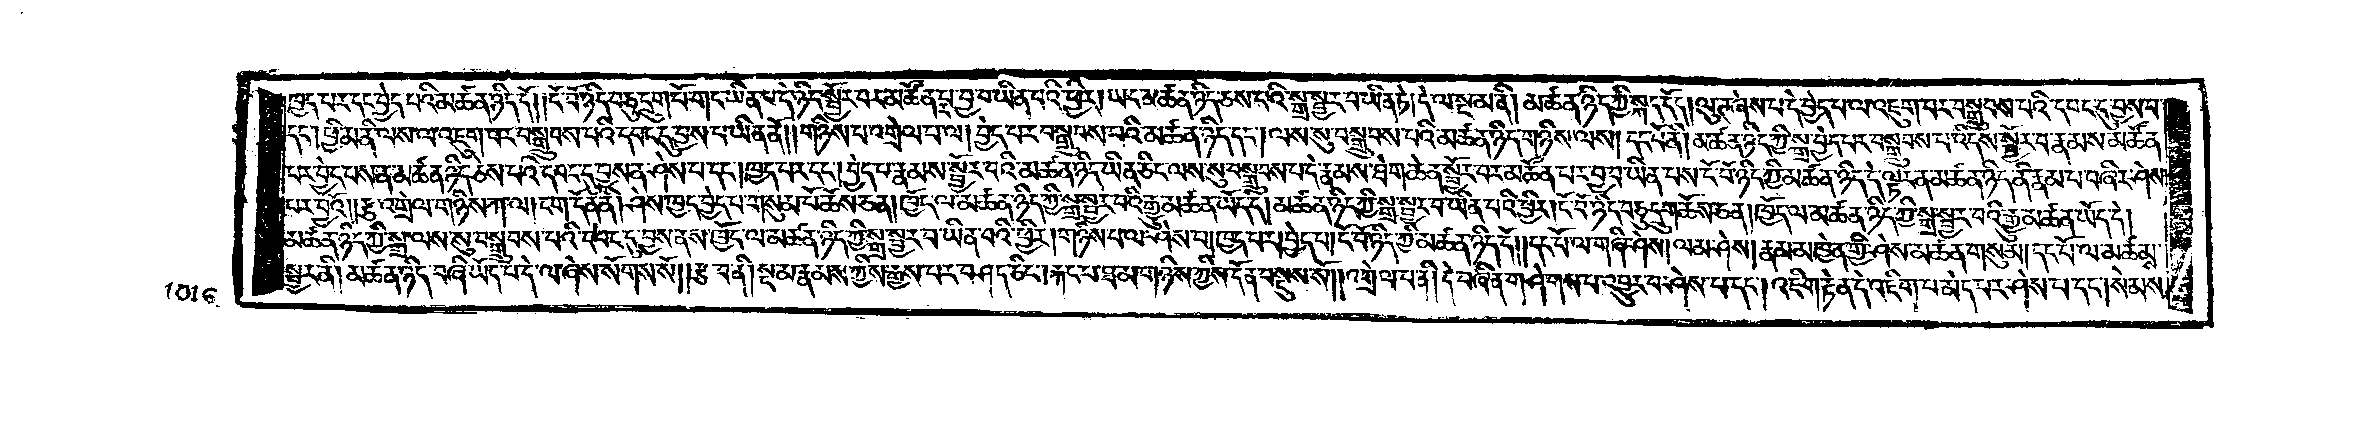ཁྱད་པར་དང་བྱེད་པའི་མཚན་ཉིད་དོ། །ངོ་བོ་ཉིད་བཅུ་དྲུག་པོ་གང་ཡིན་པ་དེ་ཉིད་སྦྱོར་བར་མཚོན་པར་བྱ་བ་ཡིན་པའི་ཕྱིར། ཡང་མཚན་ཉིད་ཅེས་པའི་སྒྲ་སྦྱར་བ་ཡིན་ཏེ། དེ་ལ་སྔ་མ་ནི། མཚན་ཉིད་ཀྱི་སྐད་དོད། ལུགས་ཞེས་པ་དེ་བྱེད་པ་ལ་འཇུག་པར་བསྒྲུབས་པའི་དབང་དུ་བྱས་པ་
དང༑ ཕྱི་མ་ནི་ལས་ལ་འཇུག་པར་བསྒྲུབས་པའི་དབང་དུ་བྱས་པ་ཡིན་ནོ། །གཉིས་པ་འགྲེལ་པ་ལ། བྱེད་པར་བསྒྲུབས་པའི་མཚན་ཉིད་དང་། ལས་སུ་བསྒྲུབས་པའི་མཚན་ཉིད་གཉིས་ལས། དང་པོ་ནི། མཚན་ཉིད་ཀྱི་སྒྲ་བྱེད་པར་བསྒྲུབས་པ་འདིས་སྦྱོར་བ་རྣམས་མཚོན་
པར་བྱེད་པས་ན་མཚན་ཉིད་ཅེས་པའི་དབང་དུ་བྱས་ན་ཤེས་པ་དང་། ཁྱད་པར་དང་། བྱེད་པ་རྣམས་སྦྱོར་བའི་མཚན་ཉིད་ཡིན་ཅིང་ལས་སུ་བསྒྲུབས་པ་དེ་རྣམས་ཐེག་ཆེན་སྦྱོར་བར་མཚོན་པར་བྱ་བ་ཡིན་པས་ངོ་བོ་ཉིད་ཀྱི་མཚན་ཉིད་དེ་ལྟར་ན་མཚན་ཉིད་ནི་རྣམ་པ་བཞིར་ཤེས་
པར་བྱའོ། །རྩ་འགྲེལ་གཉིས་ཀ་ལ། ངག་དོན་ནི། ཤེས་ཁྱད་བྱེད་པ་གསུམ་པོ་ཆོས་ཅན། ཁྱོད་ལ་མཚན་ཉིད་ཀྱི་སྒྲ་སྦྱར་བའི་རྒྱུ་མཚན་ཡོད་དེ། མཚན་ཉིད་ཀྱི་སྒྲ་སྦྱར་བ་ཡིན་པའི་ཕྱིར། ངོ་བོ་ཉིད་བཅུ་དྲུག་ཆོས་ཅན། ཁྱོད་ལ་མཚན་ཉིད་ཀྱི་སྒྲ་སྦྱར་བའི་རྒྱུ་མཚན་ཡོད་དེ།
མཚན་ཉིད་ཀྱི་སྒྲ་ལས་སུ་བསྒྲུབས་པའི་དབང་དུ་བྱས་ནས་ཁྱོད་ལ་མཚན་ཉིད་ཀྱི་སྒྲ་སྦྱར་བ་ཡིན་པའི་ཕྱིར། གཉིས་པ་ལ་ཤེས་པ། ཁྱད་པར། བྱེད་པ། ངོ་བོ་ཉིད་ཀྱི་མཚན་ཉིད་དོ། །དང་པོ་ལ་གཞི་ཤེས། ལམ་ཤེས། རྣམ་མཁྱེན་གྱི་ཤེས་མཚན་གསུམ། དང་པོ་ལ་མཚམས་
སྦྱར་ནི། མཚན་ཉིད་བཞི་ཡོད་པ་དེ་ལ་ཞེས་སོགས་སོ། །རྩ་བ་ནི། སྔ་མ་རྣམས་ཀྱིས་རྒྱས་པར་བཤད་ཅིང་། རྐང་པ་ཐ་མ་གཉིས་ཀྱིས་དོན་བསྡུས་སོ། །འགྲེལ་པ་ནི། དེ་བཞིན་གཤེགས་པ་འབྱུང་བ་ཤེས་པ་དང་། འཇིག་རྟེན་དེ་འཇིག་པ་མེད་པར་ཤེས་པ་དང་། སེམས་